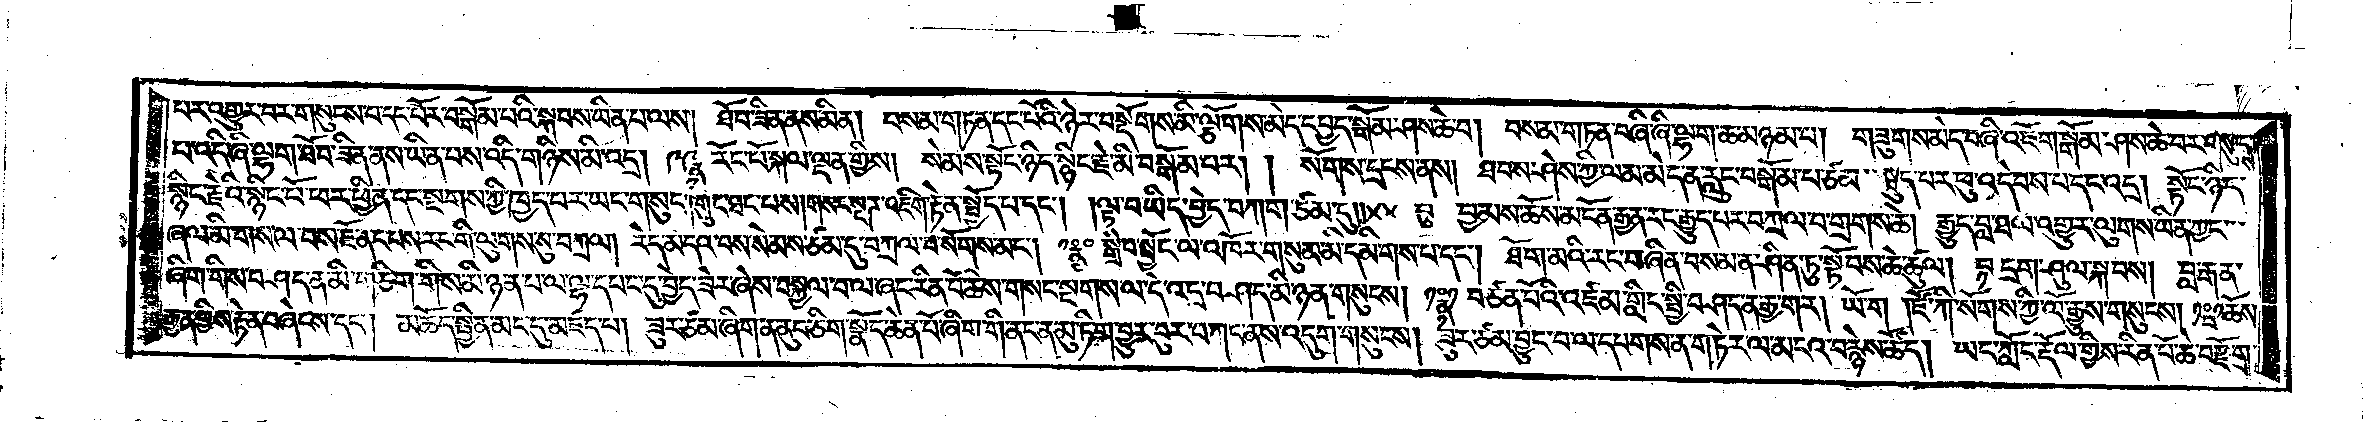པར་འགྱུར་བར་གསུངས་པ་དང་པོར་བསྒོམ་པའི་སྐབས་ཡིན་པ་ལས། ཐོབ་ཟིན་ནས་མིན། བསམ་གཏན་དང་པོའི་ཉེར་བསྡོགས་མི་ལྕོགས་མེད་དཔྱད་སྒོམ་ཤས་ཆེ་བ། བསམ་གཏན་བཞི་ཞི་ལྷག་ཆ་མཉམ་པ། གཟུགས་མེད་བཞི་འཇོག་སྒོམ་ཤས་ཆེ་བར་གསུངས་
བ་འདི་ཞི་ལྷག་ཐོབ་ཟིན་ནས་ཡིན་པས་འདི་གཉིས་མི་འདྲ། ༩༩ན༡་རོང་པོ་སྐལ་ལྡན་གྱིས། སེམས་སྟོང་ཉིད་སྙིང་རྗེ་མི་བསྒོམ་བར། །སོགས་དྲངས་ནས། ཐབས་ཤེས་ཀྱི་ལམ་མེད་ན་རླུང་བསྒོམ་པ་ཙམ་སྦུད་པར་ཕུ་འདེབས་པ་དང་འདྲ། སྟོང་ཉིད་
སྙིང་རྗེའི་སྙིང་པོ་ཕར་ཕྱིན་དང་སྔགས་ཀྱི་ཁྱད་བར་ཡང་གསུང་། གུང་ཐང་པས། གསར་སྔཌ་འཇིག་རྟེན་སྤྱོད་པ་དང་། །ལྟ་བ་ཡིད་བྱེད་བཀག་ཙམ་དུ། །྾྾་བ༦་བྱམས་ཆོས་མངོན་རྒྱན་རང་རྒྱུད་པར་བཀྲལ་བ་གྲགས་ཆེ། རྒྱུད་བླ་ཐ་ཡ་འགྱུར་ལུགས་ཡིན་ཀྱང་
ཞལ་མི་གསལ་བས་ཇོ་ནང་བས་རང་གི་ལུགས་སུ་བཀྲལ། རེད་མདའ་བས་སེམས་ཙམ་དུ་བཀྲལ་བ་སོགས་མང་། ༡༠༠ན༤་སྒྲིབ་སྦྱོང་ལ་འཁོར་གསུམ་མི་དམིགས་པ་དང་། ཐོག་མའི་རང་བཞིན་བསམ་ན་ཤིན་ཏུ་སྟོབས་ཆེ་ཚུལ། བ༡་དྲག་ཤུལ་སྐབས། བླ་རྒན་
ཞིག་གིས་བཤད་ན་མི་གཅིག་གིས་མི་ཉན་པ་ལ་ལྷ་དབང་དུ་བྱེད་ཟེར་ཞེས་བསྐྱལ་བ་ལ་ཞང་རིན་པོ་ཆེས་གསང་སྔགས་ལ་དེ་འདྲ་བཤད་མི་ཉན་གསུངས། ༡༠༡ན༡་བཙན་པོའི་འཛམ་གླིང་སྤྱི་བཤད་ན་རྒྱ་གར། ཡོག །ཛོ་ཀི་སོགས་ཀྱི་ལོ་རྒྱུས་གསུངས། ༡༠༡བ་ཆོས་
རྒྱན་གྱིས་རྟེན་བཞེངས་དང་། མཆོད་སྦྱིན་མང་དུ་མཛད་པ། ཟུར་ཙམ་ཞིག་ན་ནུབ་ཅིག་སྣོད་ཆེན་པོ་ཞིག་གི་ནང་ན་མུ་ཏིག་བྱུར་བུར་བ་གང་ནས་འདུག་གསུངས། ཟུར་ཙམ་བྱུང་བ་ལ་དཔགས་ན་གཏེར་ལ་མངའ་བརྙེས་ཚོད། ཡང་ཀློང་རྡོལ་གྱིས་རིན་པོ་ཆེ་བརྫོགས་